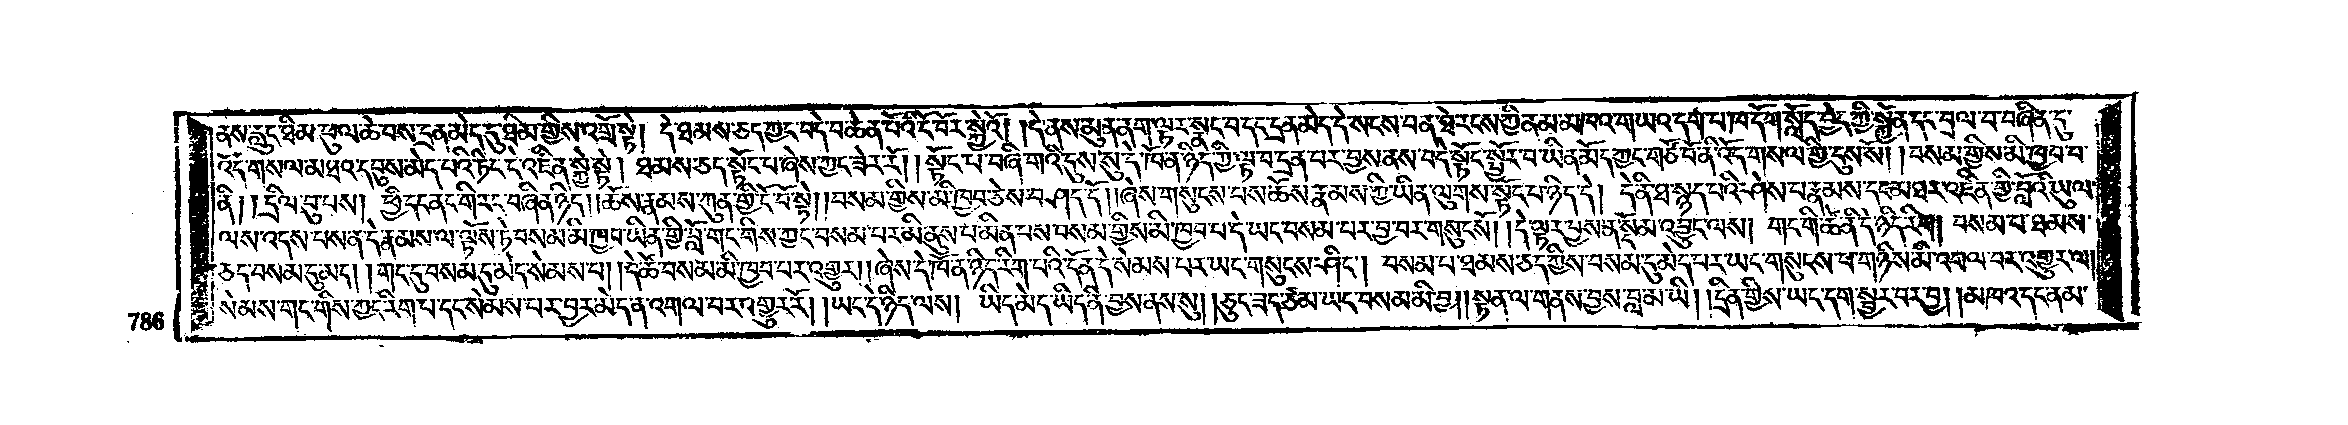ནས་རླུང་ཐིམ་ཕུལ་ཆེ་བས་དྲན་མེད་དུ་ཐིམ་གྱིས་འགྲོ་སྟེ། དེ་ཐམས་ཅད་ཀྱང་བདེ་བ་ཆེན་པོའི་ངོ་བོར་སྐྱེའོ། །དེ་ནས་མུན་ནག་ལྟར་སྣང་བ་དང་དྲན་མེད་དེ་སངས་བ་ན་ཐེ་རངས་ཀྱི་ནམ་མཁའ་གཡའ་དག་པ་ཁ་དོག་སློད་བྱེད་ཀྱི་སྐྱོན་དང་བྲལ་བ་བཞིན་དུ་
འོད་གསལ་མཐའ་དབུས་མེད་པའི་ཏིང་ངེ་འཛིན་སྐྱེ་སྟེ། ཐམས་ཅད་སྟོང་པ་ཞེས་ཀྱང་ཟེར་རོ། །སྟོང་པ་བཞི་གའི་དུས་སུ་དེ་ཁོ་ན་ཉིད་ཀྱི་ལྟ་བ་དྲན་པར་བྱས་ནས་བདེ་སྟོང་སྦྱོར་བ་ཡིན་མོད་ཀྱང་གཙོ་བོ་ནི་འོད་གསལ་གྱི་དུས་སོ། །བསམ་གྱིས་མི་ཁྱབ་པ་
ནི། །དྲིལ་བུ་པས། ཕྱི་དང་ནང་གི་རང་བཞིན་ཉིད། །ཆོས་རྣམས་ཀུན་གྱི་ངོ་བོ་སྟེ། །བསམ་གྱིས་མི་ཁྱབ་ཅེས་བཤད་དོ། །ཞེས་གསུངས་པས་ཆོས་རྣམས་ཀྱི་ཡིན་ལུགས་སྟོང་པ་ཉིད་དེ། དེ་ནི་ཐ་སྙད་པའི་ཤེས་པ་རྣམས་དང་མཐར་འཛིན་གྱི་བློའི་ཡུལ་
ལས་འདས་པས་ན་དེ་རྣམས་ལ་ལྟོས་ཏེ་བསམ་མི་ཁྱབ་ཡིན་གྱི་བློ་གང་གིས་ཀྱང་བསམ་པར་མི་ནུས་པ་མིན་པས་བསམ་གྱིས་མི་ཁྱབ་པ་དེ་ཡང་བསམ་པར་བྱ་བར་གསུངས་སོ། །དེ་ལྟར་བྱས་ན་སྡོམ་འབྱུང་ལས། གང་གི་ཚེ་ནི་དེ་ཉིད་རིག། བསམ་པ་ཐམས་
ཅད་བསམ་དུ་མེ། །གང་དུ་བསམ་དུ་མེད་སེམས་པ། །དེ་ཚེ་བསམ་མི་ཁྱབ་པར་འགྱུར། །ཞེས་དེ་ཁོ་ན་ཉིད་རིག་པའི་དོན་དེ་སེམས་པར་ཡང་གསུངས་ཤིང་། བསམ་པ་ཐམས་ཅད་ཀྱིས་བསམ་དུ་མེད་པར་ཡང་གསུངས་པ་གཉིས་མི་འགལ་བར་འགྱུར་ལ།
སེམས་གང་གིས་ཀྱང་རིག་པ་དང་སེམས་པར་བྱར་མེད་ན་འགལ་བར་འགྱུར་རོ། །ཡང་དེ་ཉིད་ལས། ཡིད་མེད་ཡིད་ནི་བྱས་ནས་སུ། །ཅུང་ཟད་ཙམ་ཡང་བསམ་མི་བྱ། །སྟན་ལ་གནས་བྱས་བླ་མ་ཡི། །དྲིན་གྱིས་ཡང་དག་སྦྱར་བར་བྱ། །མཁའ་དང་ནམ་